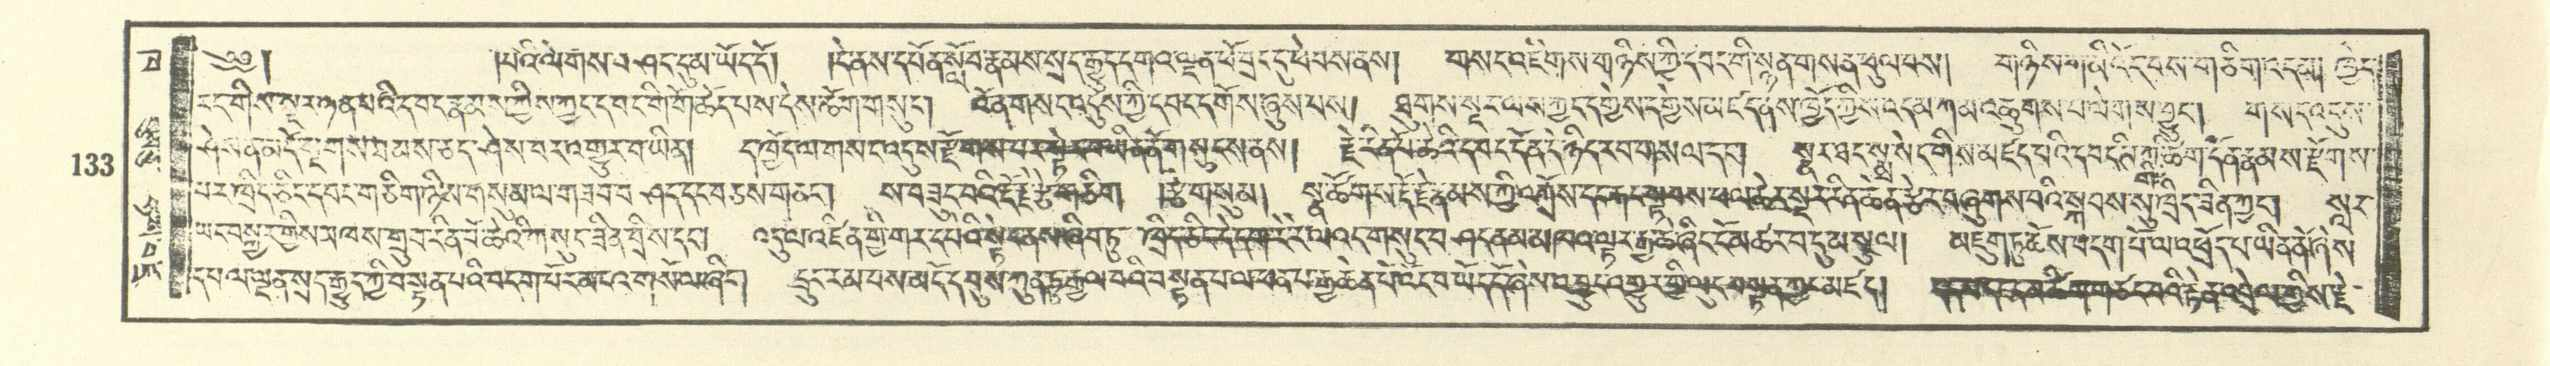༄༅། །པའི་ལེགས་བཤད་དུ་མ་ཡོད་དོ། །དེ་ནས་དཔོན་སློབ་རྣམས་སྲད་རྒྱུད་དགའ་ལྡན་ཕོ་བྲང་དུ་ཕེབས་ནས། གསང་འཇིགས་གཉིས་ཀྱི་དབང་གི་སྙན་གསན་ཕུལ་བས། གཉིས་ཀ་མི་འོང་བས་གཅིག་འདམ། ཁྱེད་
རང་གིས་སྔར་ཉན་པའི་དབང་རྣམས་ཀྱིས་ཀྱང་དབང་གི་གོ་ཆོད་པས་དེས་ཆོག་གསུང་། འོན་གསང་འདུས་ཀྱི་དབང་དགོས་ཞུས་པས། ཐུགས་སྔར་ལས་ཀྱང་དགྱེས་དགྱེས་མཛད་ནས་ཁྱོད་ཀྱིས་འདམ་ཀ་མ་འཆུགས་པ་ལེགས་བྱུང་། གསང་འདུས་
ཤེས་ན་མདོ་སྔགས་ཐམས་ཅད་ཤེས་བར་འགྱུར་བ་ཡིན། ད་ཁྱོད་ལ་གསང་འདུས་རྫོགས་པར་སྟེར་བ་ཡིན་ནོ་གསུངས་ནས། རྗེ་རིན་པོ་ཆེའི་དབང་དོན་དེ་ཉིད་རབ་གསལ་དང་། སྣར་ཐང་སྨྲ་སེང་གིས་མཛད་པའི་དབང་ཊིཀ་གི་ཚིག་དོན་རྣམས་རྫོགས་
པར་ཁྲིད་ཅིང་དབང་གཅིག་ཉི་མ་གསུམ་ལ་གཟབ་བཤད་དང་བཅས་གནང་། ས་བཟུང་བའི་རྡོ་རྗེ་རྩེ་གཅིག །རྩེ་གསུམ། སྣ་ཚོགས་རྡོ་རྗེ་རྣམས་ཀྱི་འགྲོས་དང་རྐང་སྟབས་ཕལ་ཆེར་སྔར་རིན་ཆེན་རྩེར་བཞུགས་པའི་སྐབས་སུ་ཁྲིད་ཟིན་ཀྱང་། སླར་
ཡང་བསྐྱར་གྱིས་མཁས་གྲུབ་རིན་པོ་ཆེའི་གསུང་ཟིན་བྲིས་དང་། འདུལ་འཛིན་གྱི་གར་དཔེའི་སྟེང་ནས་ཞིབ་ཏུ་ཁྲིད་ཅིང་དེ་དག་རེ་རེ་ལའང་གསུང་བཤད་ནམ་མཁའ་ལྟར་རྒྱ་ཆེ་ཞིང་ངོ་མཚར་བ་དུ་མ་སྩལ། མཇུག་ཏུ་ཆོས་བདག་བོ་ལ་འཕྲོད་པ་ཡིན་ནོ་ཞེས་
དཔལ་ལྡན་སྲད་རྒྱུད་ཀྱི་བསྟན་པའི་བདག་པོར་མངའ་གསོལ་ཞིང་། དྲུང་རམ་པས་མདོ་དབུས་ཀུན་ཏུ་རྒྱལ་བའི་བསྟན་པ་ལ་ཕན་པ་རྒྱ་ཆེན་པོ་འོང་བ་ཡོད་དོ་ཞེས་འབྱུང་འགྱུར་གྱི་ལུང་བསྟན་ཀྱང་མཛད། དད་པ་དང་དམ་ཚིག་གཙང་བའི་རྟེན་འབྲེལ་གྱིས་རྗེ་